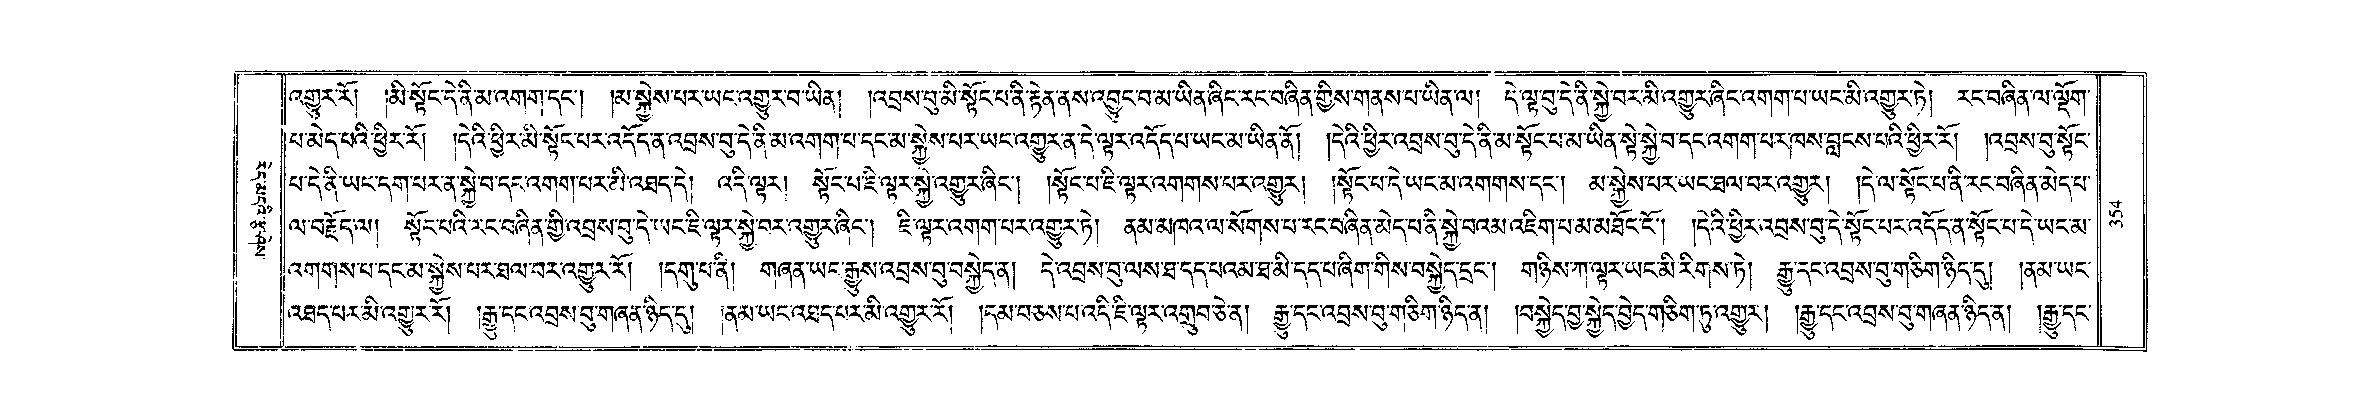འགྱུར་རོ། །མི་སྟོང་དེ་ནི་མ་འགག་དང་། །མ་སྐྱེས་པར་ཡང་འགྱུར་བ་ཡིན། །འབྲས་བུ་མི་སྟོང་པ་ནི་རྟེན་ནས་འབྱུང་བ་མ་ཡིན་ཞིང་རང་བཞིན་གྱིས་གནས་པ་ཡིན་ལ། དེ་ལྟ་བུ་དེ་ནི་སྐྱེ་བར་མི་འགྱུར་ཞིང་འགག་པ་ཡང་མི་འགྱུར་ཏེ། རང་བཞིན་ལ་ལྡོག་
པ་མེད་པའི་ཕྱིར་རོ། །དེའི་ཕྱིར་མི་སྟོང་པར་འདོད་ན་འབྲས་བུ་དེ་ནི་མ་འགག་པ་དང་མ་སྐྱེས་པར་ཡང་འགྱུར་ན་དེ་ལྟར་འདོད་པ་ཡང་མ་ཡིན་ནོ། །དེའི་ཕྱིར་འབྲས་བུ་དེ་ནི་མ་སྟོང་པ་མ་ཡིན་སྟེ་སྐྱེ་བ་དང་འགག་པར་ཁས་བླངས་པའི་ཕྱིར་རོ། །འབྲས་བུ་སྟོང་
པ་དེ་ནི་ཡང་དག་པར་ན་སྐྱེ་བ་དང་འགག་པར་མི་འཐད་དེ། འདི་ལྟར། སྟོང་པ་ཇི་ལྟར་སྐྱེ་འགྱུར་ཞིང་། །སྟོང་པ་ཇི་ལྟར་འགགས་པར་འགྱུར། །སྟོང་པ་དེ་ཡང་མ་འགགས་དང་། མ་སྐྱེས་པར་ཡང་ཐལ་བར་འགྱུར། །དེ་ལ་སྟོང་པ་ནི་རང་བཞིན་མེད་པ་
ལ་བརྗོད་ལ། སྟོང་པའི་རང་བཞིན་གྱི་འབྲས་བུ་དེ་ཡང་ཇ་ལྟར་སྐྱེ་བར་འགྱུར་ཞིང་། ཇི་ལྟར་འགག་པར་འགྱུར་ཏེ། ནམ་མཁའ་ལ་སོགས་པ་རང་བཞིན་མེད་པ་ནི་སྐྱེ་བའམ་འཇིག་པ་མ་མཐོང་ངོ། །དེའི་ཕྱིར་འབྲས་བུ་དེ་སྟོང་པར་འདོད་ན་སྟོང་པ་དེ་ཡང་མ་
འགགས་པ་དང་མ་སྐྱེས་པར་ཐལ་བར་འགྱུར་རོ། །དགུ་པ་ནི། གཞན་ཡང་རྒྱུས་འབྲས་བུ་བསྐྱེད་ན། དེ་འབྲས་བུ་ལས་ཐ་དད་པའམ་ཐ་མི་དད་པ་ཞིག་གིས་བསྐྱེད་དྲང་། གཉིས་ཀ་ལྟར་ཡང་མི་རིགས་ཏེ། རྒྱུ་དང་འབྲས་བུ་གཅིག་ཉིད་དུ། །ནམ་ཡང་
འཐད་པར་མི་འགྱུར་རོ། །རྒྱུ་དང་འབྲས་བུ་གཞན་ཉིད་དུ། །ནམ་ཡང་འཐད་པར་མི་འགྱུར་རོ། །དམ་བཅས་པ་འདི་ཇི་ལྟར་འགྲུབ་ཅེ་ན། རྒྱུ་དང་འབྲས་བུ་གཅིག་ཉིད་ན། །བསྐྱེད་བྱ་སྐྱེད་བྱེད་གཅིག་ཏུ་འགྱུར། །རྒྱུ་དང་འབྲས་བུ་གཞན་ཉིད་ན། །རྒྱུ་དང་